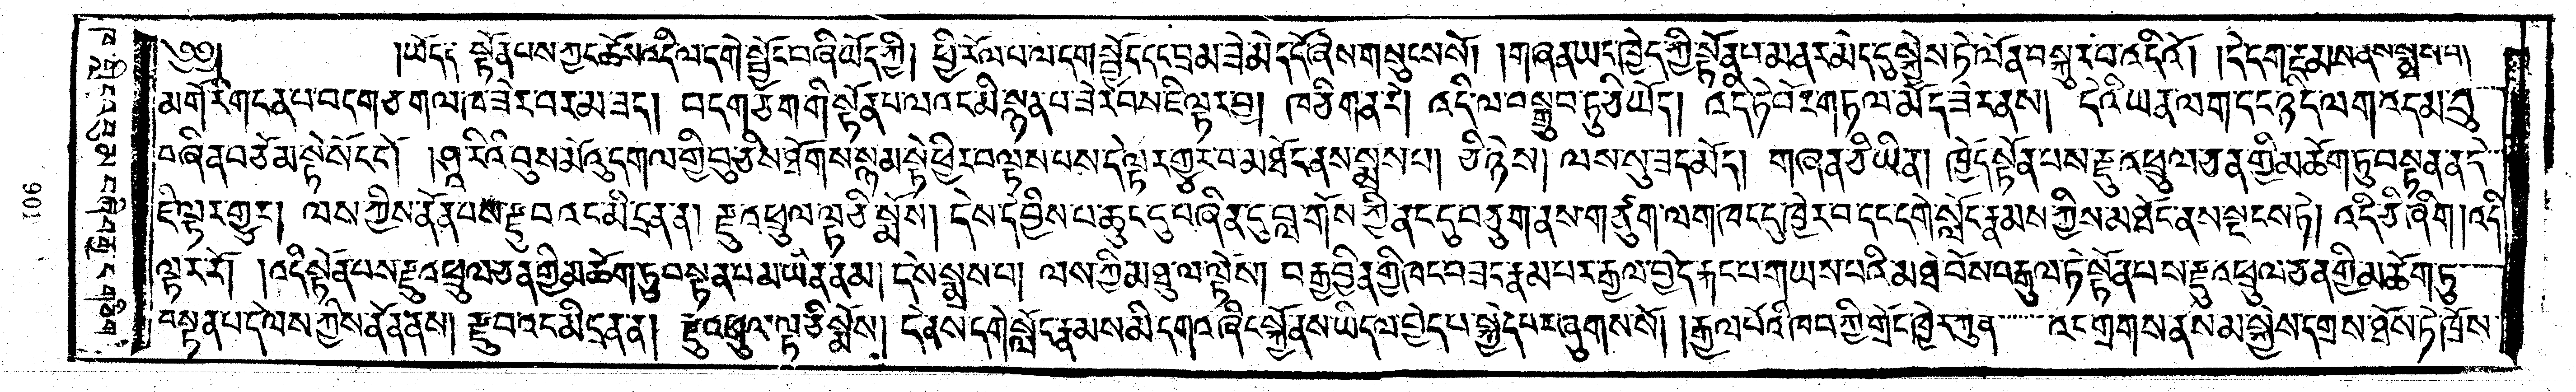༄༅། །ཡོད༑ སྟོན་པས་ཀྱང་ཆོས་འདི་ལ་དགེ་སྦྱོང་བཞི་ཡོད་ཀྱི། ཕྱི་རོལ་པ་ལ་དག་སྦྱོང་དང་བྲམ་ཟེ་མེད་དོ་ཞེས་གསུངས་སོ། །གཞན་ཡང་ཁྱེད་ཀྱི་སྟོན་པ་མནར་མེད་དུ་སྐྱེས་ཏེ་ལོན་བསྐུར་བ་འདིའོ། །དེ་དག་རྔམས་ནས་སྨྲས་པ།
མགོ་རིག་ངན་པ་བདག་ཅག་ལ་ཁ་ཟེར་བར་མ་ཟད། བདག་ཅག་གི་སྟོན་པ་ལའང་མི་སྙན་པ་ཟེར་བས་ཇི་ལྟར་བྱ། ཁ་ཅིག་ན་རེ། འདི་ལ་བསྒྲུབ་ཏུ་ཅི་ཡོད། འདི་ཏེ་བོར་གཏལ་མོད་ཟེར་ནས། དེའི་ཡན་ལག་དང་ཉིད་ལག་འདམ་བུ་
བཞིན་བཅོམ་སྟེ་སོང་ངོ། །ཤཱ་རིའི་བུས་མོའུ་དགལ་གྱི་བུ་ཅིས་ཐོགས་སྙམ་སྟེ་ཕྱིར་བལྟས་པས་དེ་ལྟར་གྱུར་བ་མཐོང་ནས་སྨྲས་པ། ཅི་ཉེས། ལས་སུ་ཟད་མོད། གཞན་ཅི་ཡིན། ཁྱོད་སྟོན་པས་རྫུ་འཕྲུལ་ཅན་གྱི་མཆོག་ཏུ་བསྟན་ན་དེ་
ཇི་ལྟར་གྱུར། ལས་ཀྱིས་ནོན་པས་རྫུ་བའང་མི་དྲན་ན། རྫུ་འཕྲུལ་ལྟ་ཅི་སྨོས། དེས་དེ་བྱིས་པ་ཆུང་དུ་བཞིན་དུ་བླ་གོས་ཀྱི་ནང་དུ་བཅུག་ནས་གཙུག་ལག་ཁང་དུ་ཁྱེར་བ་དང་དགེ་སློང་རྣམས་ཀྱིས་མཐོང་ནས་སྔངས་ཏེ། འདི་ནི་ཞིག །འདི་
ལྟར་རོ། །འདི་སྟོན་པས་རྫུ་འཕྲུལ་ཅན་གྱི་མཆོག་ཏུ་བསྟན་པ་མ་ཡིན་ནམ། དེས་སྨྲས་པ། ལས་ཀྱི་མཐུ་ལ་ལྟོས། བརྒྱ་བྱིན་གྱི་ཁང་བཟང་རྣམ་པར་རྒྱལ་བྱེད་རྐང་པ་གཡས་པའི་མཐེ་བོས་བརྒུལ་ཏེ་སྟོན་པས་རྫུ་འཕྲུལ་ཅན་གྱི་མཆོག་ཏུ་
བསྟན་པ་དེ་ལས་ཀྱིས་ནོན་ནས། རྫུབ་འང་མི་དྲན་ན། རྫུ་འཕྲུལ་ལྟ་ཅི་སྨོས། དེ་ནས་དགེ་སློང་རྣམས་མི་དགའ་ཞིང་སྐྱོ་ནས་ཡིད་ལ་བྱེད་པ་སྐྱེད་པར་ཞུགས་སོ། །རྒྱལ་པོའི་ཁབ་ཀྱི་གྲོང་ཁྱེར་ཀུན་འང་གྲགས་ནས་མ་སྐྱེས་དགྲས་ཐོས་ཏེ་ཁྲོས་